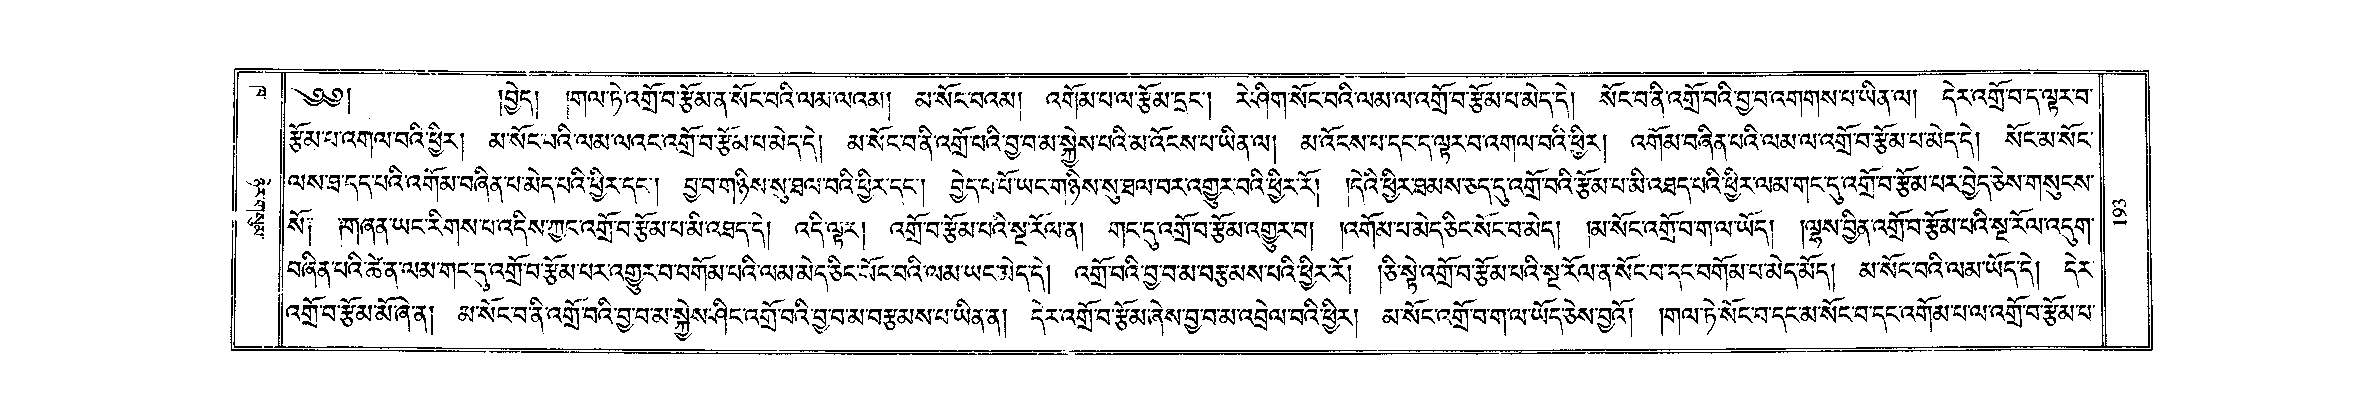༄༅། །བྱེད། །གལ་ཏེ་འགྲོ་བ་རྩོམ་ན་སོང་བའི་ལམ་ལའམ། མ་སོང་བའམ། འགོམ་པ་ལ་རྩོམ་དྲང་། རེ་ཤིག་སོང་བའི་ལམ་ལ་འགྲོ་བ་རྩོམ་པ་མེད་དེ། སོང་བ་ནི་འགྲོ་བའི་བྱ་བ་འགགས་པ་ཡིན་ལ། དེར་འགྲོ་བ་ད་ལྟར་བ་
རྩོམ་པ་འགལ་བའི་ཕྱིར། མ་སོང་བའི་ལམ་ལའང་འགྲོ་བ་རྩོམ་པ་མེད་དེ། མ་སོང་བ་ནི་འགྲོ་བའི་བྱ་བ་མ་སྐྱེས་པའི་མ་འོངས་པ་ཡིན་ལ། མ་འོངས་པ་དང་ད་ལྟར་བ་འགལ་བའི་ཕྱིར། འགོམ་བཞིན་པའི་ལམ་ལ་འགྲོ་བ་རྩོམ་པ་མེད་དེ། སོང་མ་སོང་
ལས་ཐ་དད་པའི་འགོམ་བཞིན་པ་མེད་པའི་ཕྱིར་དང་། བྱ་བ་གཉིས་སུ་ཐལ་བའི་ཕྱིར་དང་། བྱེད་པ་པོ་ཡང་གཉིས་སུ་ཐལ་བར་འགྱུར་བའི་ཕྱིར་རོ། །དེའི་ཕྱིར་ཐམས་ཅད་དུ་འགྲོ་བའི་རྩོམ་པ་མི་འཐད་པའི་ཕྱིར་ལམ་གང་དུ་འགྲོ་བ་རྩོམ་པར་བྱེད་ཅེས་གསུངས་
སོ༑ ༑གཞན་ཡང་རིགས་པ་འདིས་ཀྱང་འགྲོ་བ་རྩོམ་པ་མི་འཐད་དེ། འདི་ལྟར། འགྲོ་བ་རྩོམ་པའི་སྔ་རོལ་ན། གང་དུ་འགྲོ་བ་རྩོམ་འགྱུར་བ། །འགོམ་པ་མེད་ཅིང་སོང་བ་མེད། །མ་སོང་འགྲོ་བ་ག་ལ་ཡོད། །ལྷས་བྱིན་འགྲོ་བ་རྩོམ་པའི་སྔ་རོལ་འདུག་
བཞིན་པའི་ཚེ་ན་ལམ་གང་དུ་འགྲོ་བ་རྩོམ་པར་འགྱུར་བ་བགོམ་པའི་ལམ་མེད་ཅིང་སོང་བའི་ལམ་ཡང་མེད་དེ། འགྲོ་བའི་བྱ་བ་མ་བརྩམས་པའི་ཕྱིར་རོ། །ཅི་སྟེ་འགྲོ་བ་རྩོམ་པའི་སྔ་རོལ་ན་སོང་བ་དང་བགོམ་པ་མེད་མོད། མ་སོང་བའི་ལམ་ཡོད་དེ། དེར་
འགྲོ་བ་རྩོམ་མོ་ཞེ་ན། མ་སོང་བ་ནི་འགྲོ་བའི་བྱ་བ་མ་སྐྱེས་ཤིང་འགྲོ་བའི་བྱ་བ་མ་བརྩམས་པ་ཡིན་ན། དེར་འགྲོ་བ་རྩོམ་ཞེས་བྱ་བ་མ་འབྲེལ་བའི་ཕྱིར། མ་སོང་འགྲོ་བ་ག་ལ་ཡོད་ཅེས་བྱའོ། །གལ་ཏེ་སོང་བ་དང་མ་སོང་བ་དང་འགོམ་པ་ལ་འགྲོ་བ་རྩོམ་པ་